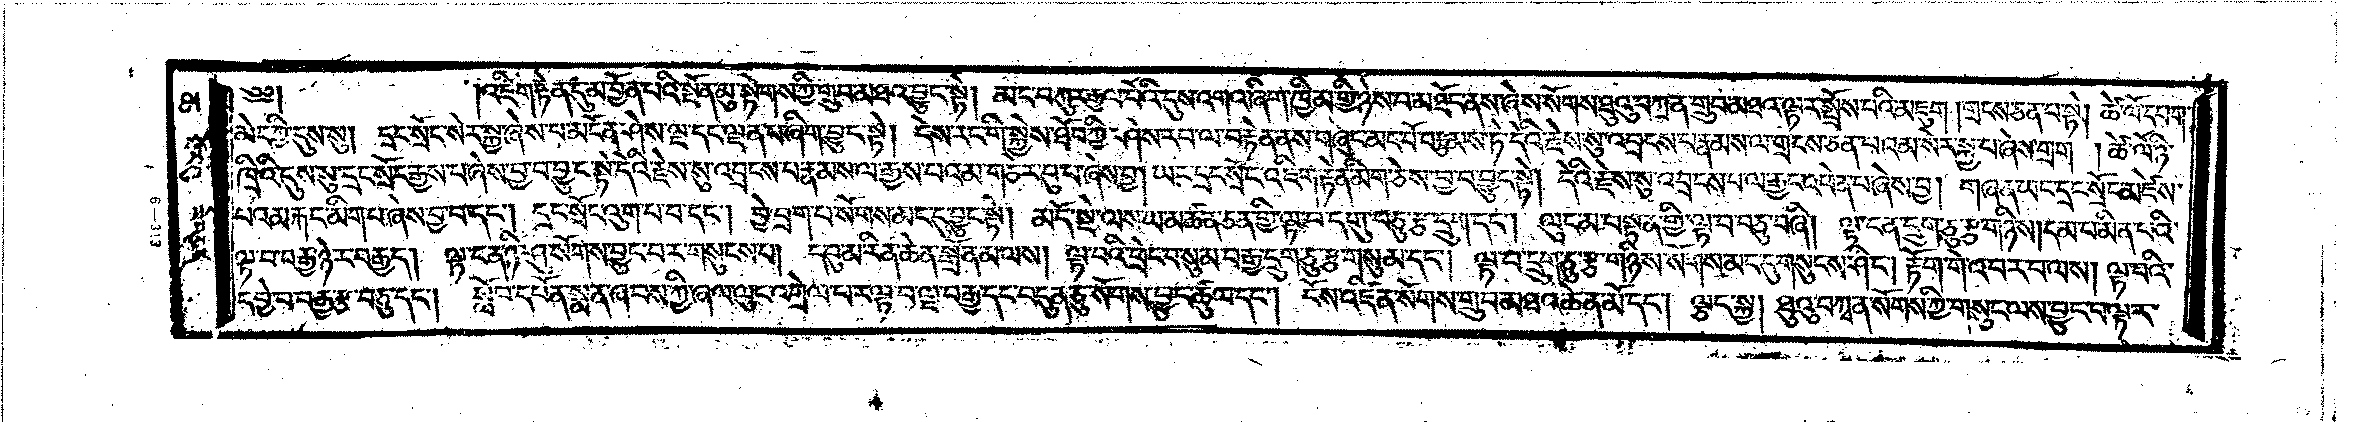༄༅། །འཇིག་རྟེན་དུ་མ་བྱོན་པའི་སྔོན་མུ་སྟེགས་ཀྱི་གྲུབ་མཐའ་བྱུང་སྟེ། མང་བཀུར་རྒྱལ་པོའི་དུས་འགའ་ཞིག་ཁྱིམ་གྱི་ཉེས་བ་མཐོང་ནས་ཞེས་སོགས་ཐུའུ་བཀྲན་གྲུབ་མཐའ་ལྟར་སྤྲོས་པའི་མཇུག །གྲངས་ཅན་བ་སྟེ། ཚེ་ལོ་དཔག་
མེད་ཀྱི་དུས་སུ། དྲང་སྲོང་སེར་སྐྱ་ཞེས་པ་མངོན་ཤེས་ལྔ་དང་ལྡན་པ་ཞིག་བྱུང་སྟེ། དེས་རང་གི་སྐྱེས་ཐོབ་ཀྱི་ཤེས་རབ་ལ་བརྟེན་ནས་གཞུང་མང་པོ་བརྩམས་ཏེ་དེའི་རྗེས་སུ་འབྲངས་པ་རྣམས་ལ་གྲངས་ཅན་པའམ་སེར་སྐྱ་པ་ཞེས་གྲག །ཚེ་ལོ་ཉི་
ཁྲིའི་དུས་སུ་དྲང་སྲོང་རྒྱས་པ་ཞེས་བྱ་བ་བྱུང་སྟེ་དེའི་རྗེས་སུ་འབྲངས་པ་རྣམས་ལ་རྒྱས་པའམ་གཅེར་བུ་པ་ཞེས་བྱ། ཡང་དྲང་སྲོང་འཇིག་རྟེན་མིག་ཅེས་བྱ་བ་བྱུང་སྟེ། དེའི་རྗེས་སུ་འབྲངས་པ་ལ་རྒྱང་འཕེན་པ་ཞེས་བྱ། གཞན་ཡང་དྲང་སྲོང་མཛེས་
པའམ་རྐང་མིག་པ་ཞེས་བྱ་བ་དང་། དྲང་སྲོང་འུག་པ་བ་དང་། བྱེ་བྲག་པ་སོགས་མང་དུ་བྱུང་སྟེ། མདོ་སྡེ་ལས་ཡ་མཚན་ཅན་གྱི་ལྟ་བ་དགུ་བཅུ་རྩ་དྲུག་དང་། ལུང་མ་བསྟན་གྱི་ལྟ་བ་བཅུ་བཞི། ལྟ་ངན་དྲུག་ཅུ་རྩ་གཉིས། དམ་པ་མིན་པའི་
ལྟ་བ་བརྒྱ་ཉེར་བརྒྱད། ལྟ་ངན་ཉི་ཤུ་སོགས་བྱུང་བར་གསུངས་པ། དབུ་མ་རིན་ཆེན་སྒྲོན་མ་ལས། ལྟ་བའི་ཕྲེང་བ་སུམ་བརྒྱ་དྲུག་ཅུ་རྩ་གསུམ་དང་། ལྟ་བ་དྲུག་ཅུ་རྩ་གཉིས་སོགས་མང་དུ་གསུངས་ཤིང་། རྟོག་གེ་འབར་བ་ལས། ལྟ་བའི་
དབྱེ་བ་བརྒྱ་རྩ་བཅུ་དང་། སློབ་དཔོན་སྨན་ཞབས་ཀྱི་ཞལ་ལུང་འགྲེལ་པར་ལྟ་བ་ལྔ་བརྒྱ་དང་བདུན་ཅུ་སོགས་བྱུང་ཚུལ་དང་། ངོས་འཛིན་སོགས་གྲུབ་མཐའ་ཆེན་མོ་དང་། ལྕང་སྐྱ། ཐུའི་བཀྭན་སོགས་ཀྱི་གསུང་ལས་བྱུང་བ་ལྟར་